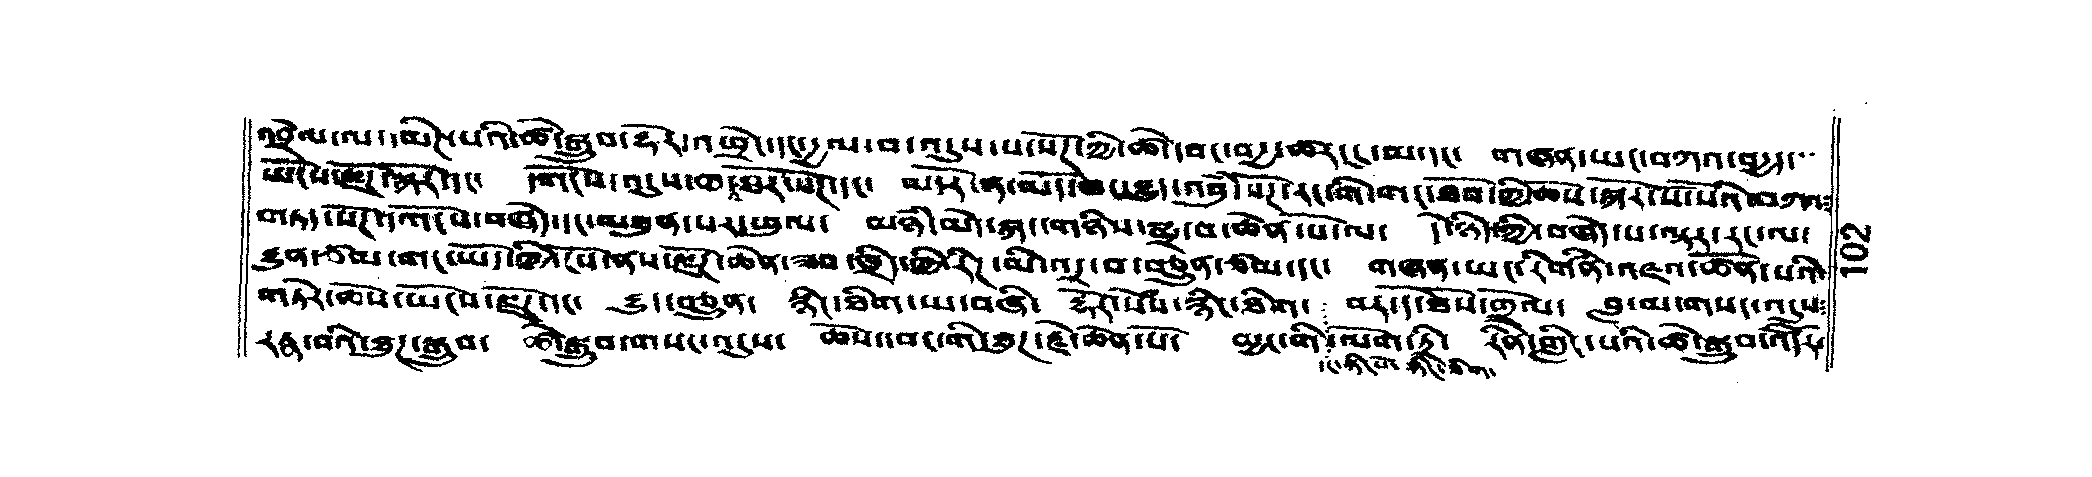འབྲེལ་ལ་དམིགས་པའི་ཚེ་སྒྲུབ་རྡོར་འཕྲེང་དང་རྒྱལ་བ་འདུས་པ་སོགས་ཀྱི་ཚེ་དབང་བརྒྱ་ཚར་དུ་མ་དང་།གཞན་ཡང་བཀའ་བརྒྱད་
ཡོངས་རྫོགས་སྐོར་དང་། དགོངས་འདུས་དབང་འཐོར་སོགས་དང་། མདོར་ན་མདོ་ཁང་རྒྱུད་འབུམ་སོགས་རང་གི་གངཐོབ་ཀྱི་ཆོས་སྐོར་སོ་སོའི་བཀའ་
གཏད་སོགས་དགོངས་བཞེད་དང་མཐུན་པར་ཕུལ། མཉམ་མེད་སྐད་གཉིས་སྨྲ་བ་ཆེན་པོ་ལ། དེ་ཉིད་ཀྱི་བཞེད་པ་ལྟར་རང་ལ་
རྒྱུན་ཙམ་གང་ཡོད་ཀྱི་ངོས་ནས་རྫོགས་ཆེན་ཟབ་ཁྲིད་ཀྱི་རིགས་མི་འདྲ་བ་བཅུ་བདུན་ཙམ་དང་། གཞན་ཡང་རིག་འཛིན་འཇའ་ཚོན་པའི་
གཏེར་ཆོས་ཡོངས་རྫོགས་དང་། རྒྱུད་བཅུ་བདུན། སྙིང་ཐིག་ཡ་བཞི། རྡོར་སེམས་སྙིང་ཐིག་དང་སྙིང་པོ་སྙིང་ཐིག བར་དོ་ཐོས་གྲོལ། བླ་མ་གསང་འདུས། 
རཏྣའི་ཐུགས་སྒྲུབ། ཚེ་སྒྲུབ་གསང་འདུས། ཆོས་དབང་གི་ཐུགས་རྗེ་ཆེན་པོ། མྱང་གི་ལོཀྟི། རིན་ཆེན་གླིང་པའི་ཚེ་སྒྲུབ་འོད་ཟེར་